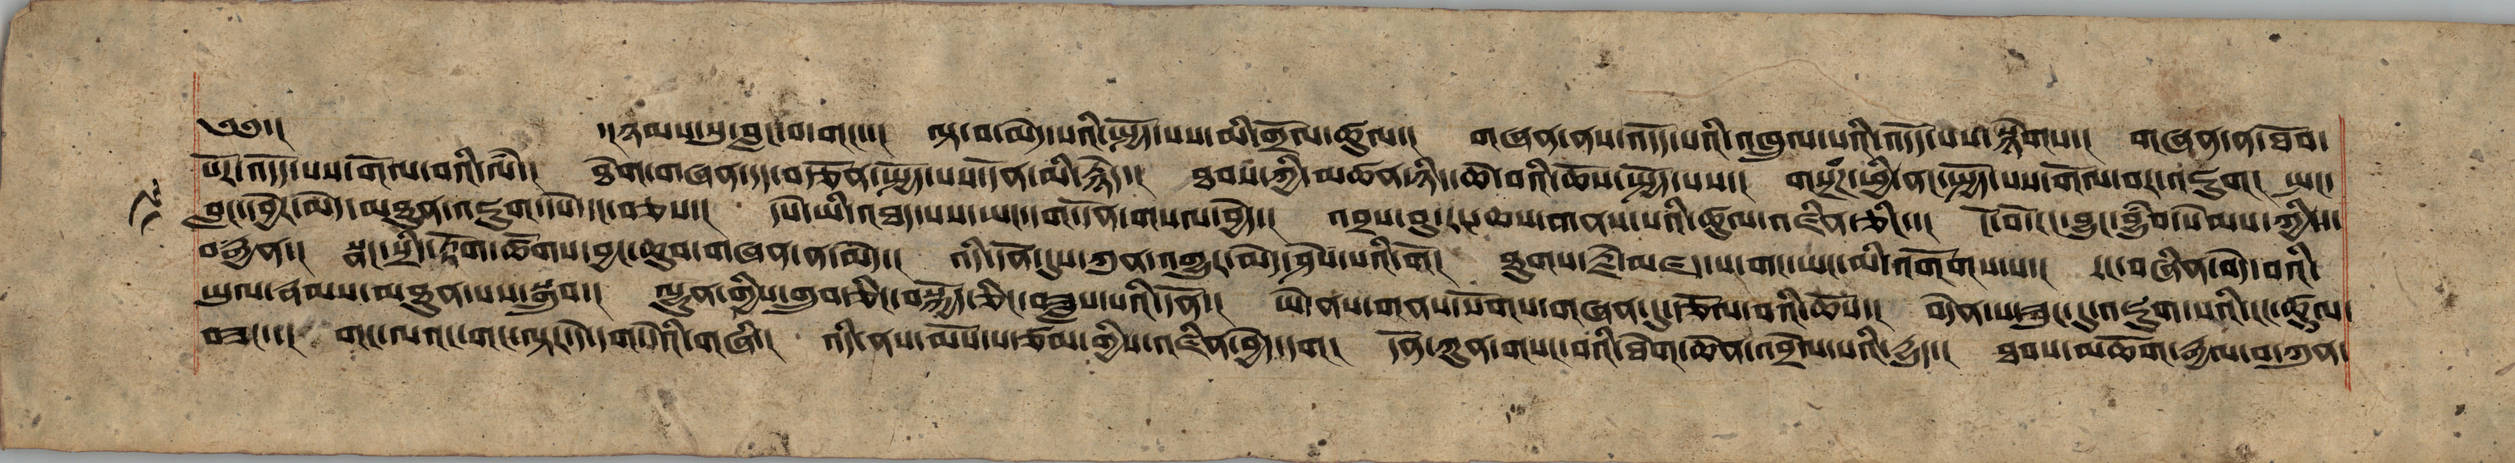༄༅་། ་།ཉམས་སུ་བླང་བ་གང་་། ལྟ་བ་མེད་པའི་སྤྱོད་པས་མི་གྲོལ་ཚུལ་། གཞན་ནས་འདོད་པའི་འཁྲུལ་པའི་འདོད་པས་སྙེགས་། གཞན་ན་ཐོབ་
པོར་འདོད་པས་གོལ་བའི་ལཾ་། ཐེག་གཞན་དད་བརྩོན་སྤྱོད་པས་དོན་མི་རྙེད་། ཐབས་ཀྱི་མཚན་ཉིད་ཆེ་བའི་ཆོས་སྤྱོད་པས་། གསྔཾཌ་ཕྱི་ནང་སྤྱོད་པས་གོལ་བར་འཇུག། སྤང་
བླང་དབྱེར་མེད་མཐུན་འཇུག་དཔེ་དང་བཅས་། དཔེ་ཡི་འཐད་པས་ཡང་དག་དོན་གསལ་བྱེད་། འབྲས་བུ་རང་ཆས་གནས་པའི་ཚུལ་འཛིན་ཅིང་་། ངོ་བོ་རང་བྱུང་བྱུཾབ་སེམས་ཀྱིས་
བརྒྱན་། སྣང་སྲིད་རྟོག་ཚོགས་བྱང་ཆུབ་གཞན་ན་མེད་། འདི་དོན་དུས་ཀུན་འགྱུར་མེད་ཤེས་པའི་གོ། ཐུགས་རྗེ་མཛད་པ་གང་ཡང་མི་འགོགས་པས་། རང་བཞིན་བདེ་བའི་
ཡུལ་རྣམས་མཐུན་པས་སྒྲུབ་། ལྷུན་གྱིས་གྲུབ་ཅིང་བསྐྱོད་ཅིང་བཟླས་པའི་དོན་། ཡེ་ནས་གནས་སོགས་གཞན་དུ་རྩོལ་བའི་ཆོས་། བདེན་པ་ཟུང་དུ་འཇུག་པའི་ངང་ཚུལ་
བཟང་་། གང་ལའང་གང་ལྟར་དེ་དག་དེའི་གཞི་། འདི་ནས་མོས་པ་ཙམ་གྱིས་འཛིན་བྱེད་དག། དོན་ཀུན་གསང་བའི་ཐེག་ཆེན་འབྲེལ་པའི་དྱུད་། ཐབས་མཆོག་རྒྱལ་བ་ཀུན་